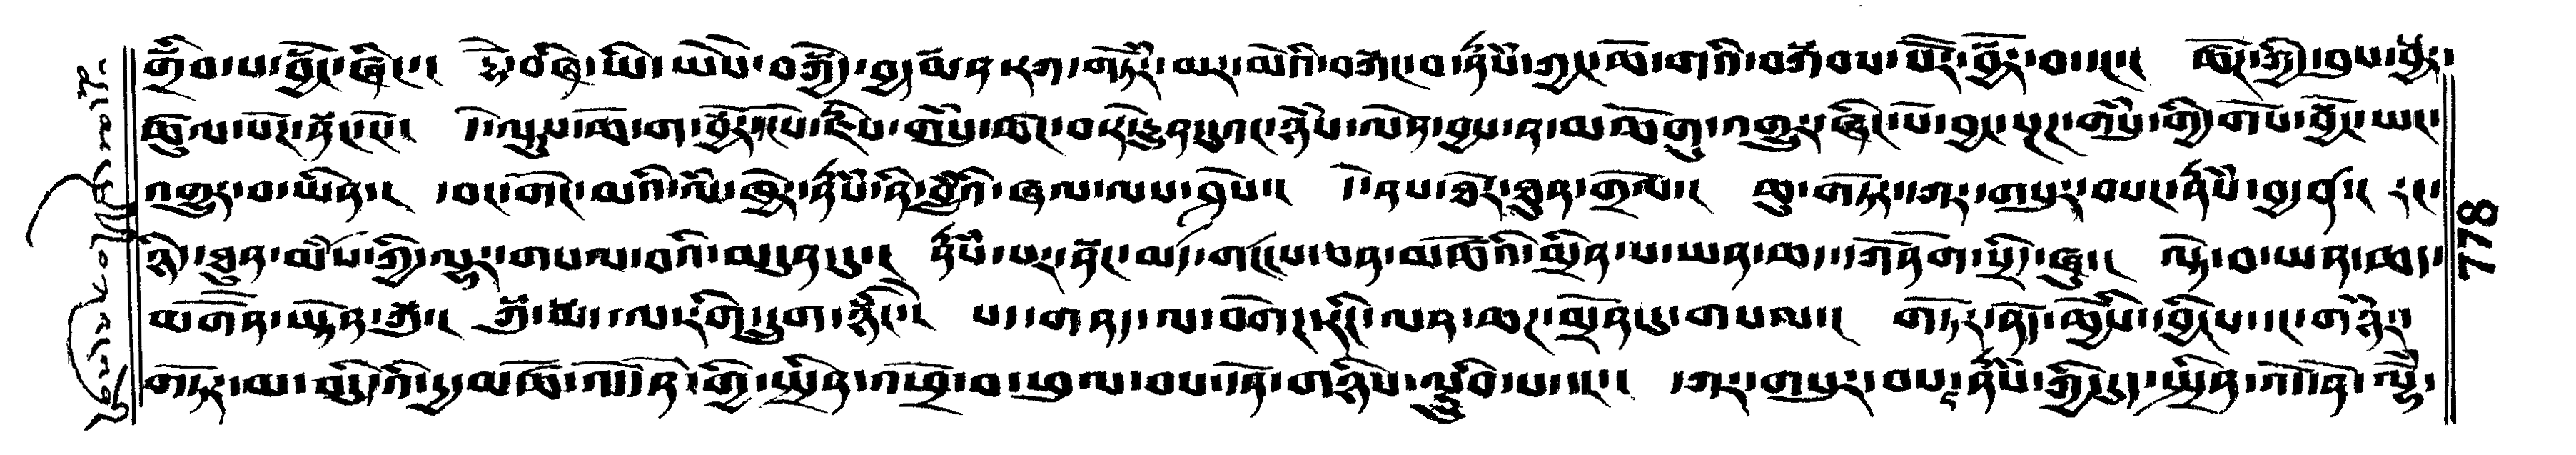སྒྲིབ་པ་སྦྱོང་ཞིང་། རྡོ་རྗེ་བཞི་ཡི་ཡེ་ཤེས་བསྐྱེད་བྱེད་སྨན་རཀ་གཏོར་མ་མར་མེའི་བསྐང་བ་རྣམས་ཀྱང་ཆོ་གའི་སྐབས་སོ་སོར་སྦྱོར་བ་དང་། ཚོགས་ཀྱི་དབུར་སྦྱར་
ཚུལ་སོ་སོར་སྣང་ངོ་། དེ་ལྟ་བུས་ཆོ་ག་སྦྱོར་དངོས་རྗེས་གསུམ་ཚང་བ་རེ་རྒྱུན་དུའང་ཉམས་ལེན་བྱས་ན་མཆོག་ཏུ་འགྱུར་ཞིང་སོ་བྱང་སྔགས་གསུམ་གྱི་གསོ་སྦྱོང་དུ་ཡང་
འགྱུར་བ་ཡིན། དབང་གོང་མའི་ལམ་ཁྱེར་རྣམས་ནི་བླ་མའི་ཞལ་ལས་ཤེས། དེ་ནས་ཐོར་ཐུན་གྲོལ། ཆུ་གཏོར་དཀར་གསུར་བསང་རྣམས་བྱ་ན། རང་
ཉིད་ཐུན་མཚམས་ཀྱི་ལྷར་གསལ་བའི་མདུན་དུ། རྣམ་པར་སྣང་མཛད་གངས་ཅན་མཚོའི་མགྲིན་པ་ཡན་ཆད་དཀོན་མཆོག་སྲིད་ཞུ། ལྟེ་བ་ཡན་ཆད་
མགོན་པོ་ཡིན་ཏན། སྐུ་སྨད་ལ་རིགས་དྲུག་སྙིང་རྗེ། པད་གདན་ལ་བགེགས་རིགས་ལན་ཆགས་མགྲོན་དུ་གསལ། གཏོར་སྣོད་ཆོས་ཀྱི་དབྱིངས་དང་མཉམ་པར་
གཏོར་མ་བདུད་རྩིའི་རྒྱ་མཚོ་འདོད་ཡོན་གྱི་སྤྲིན་འཕྲོ་བ་ཕུལ་བས་དོན་གཉིས་ལྷུན་གྱིས་འགྲུབ་པ་དང་།དཀར་གསུར་བསང་རྣམས་ཀྱི་དུད་སྤྲིན་འདོད་ཡོན་ལྷ་མོ་